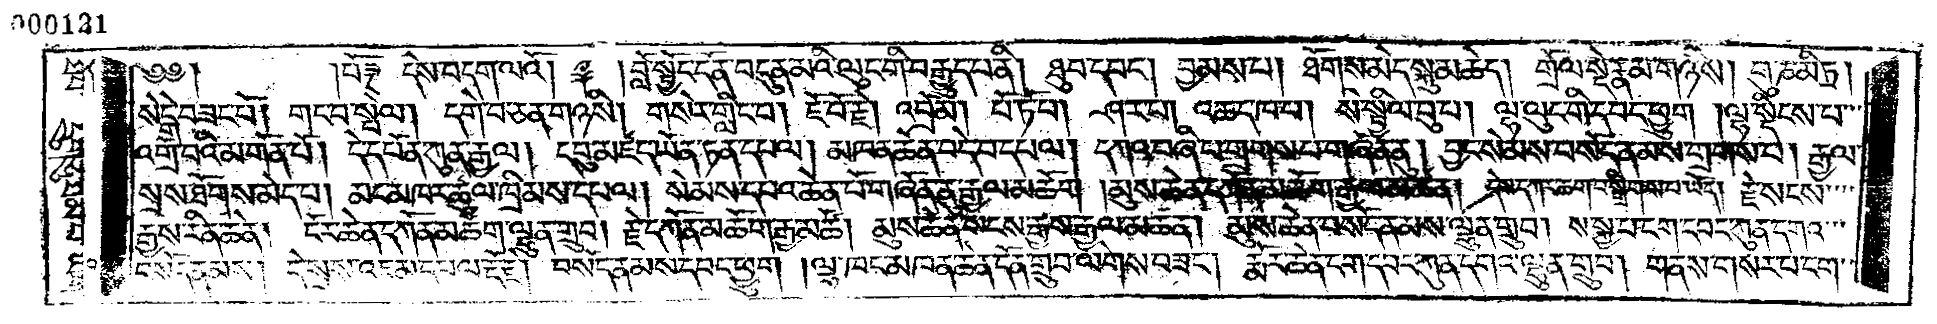༄༅། །པོ༑ དེས་བདག་ལའོ། ༈ །བློ་སྦྱོང་དོན་བདུན་མའི་ལུང་གི་བརྒྱུད་པ་ནི། ཐུབ་དབང་། བྱམས་པ། ཐོགས་མེད་སྐུ་མཆེད། གྲོལ་སྡེ་རྣམ་གཉིས། གུ་ཎ་མི་ཏྲ།
སེངྒེ་བཟང་པོ། གང་བ་སྤེལ། དགེ་བ་ཅན་གཉིས། གསེར་གླིང་བ། ཇོ་བོ་རྗེ། འབྲོམ། པོ་ཏོ་པ། ཤ་ར་པ། འཆད་ཁ་པ། སེ་སྤྱིལ་བུ་པ། ལྷ་ལུང་གི་དབང་ཕྱུག །ལྷ་སྡིངས་པ་
འགྲོ་བའི་མགོན་པོ། དེ་དཔོན་ཀུན་རྒྱལ། དབུ་མཛད་ཡོན་ཏན་དཔལ། མཁན་ཆེན་བདེ་བ་དཔལ། དཀའ་བཞི་པ་གྲགས་པ་གཞོན་ནུ། བྱང་སེམས་བསོད་ནམས་གྲགས་པ། རྒྱལ་
སྲས་ཐོགས་མེད་པ། མང་མཁར་ཚུལ་ཁྲིམས་དཔལ། སེམས་དཔའ་ཆེན་པོ་གཞོན་ནུ་རྒྱལ་མཆོག །མུས་ཆེན་དཀོན་མཆོག་རྒྱལ་མཚན། དེས་དཀར་ཆག་བསྒྲིགས་པ་ཡོད།  རྗེ་སངས་
རྒྱས་རིན་ཆེན། ངོར་ཆེན་དཀོན་མཆོག་ལྷུན་གྲུབ། རྗེ་དཀོན་མཆོག་རྒྱ་མཚོ། མུས་ཆེན་སངས་རྒྱས་རྒྱལ་མཚན། མུས་ཆེན་བསོད་ནམས་ལྷུན་གྲུབ། ས་སྐྱ་བ་ངག་དབང་ཀུན་དགའ་
བསོད་ནམས། དེ་སྲས་འཇམ་དཔལ་རྡོ་རྗེ། བསོད་ནམས་དབང་ཕྱུག །ལྷ་ཁང་མཁན་ཆེན་དོན་གྲུབ་ལེགས་བཟང་། རྨོར་ཆེན་ངག་དབང་ཀུན་དགའ་ལྷུན་གྲུབ། གནས་གསར་པ་ངག་